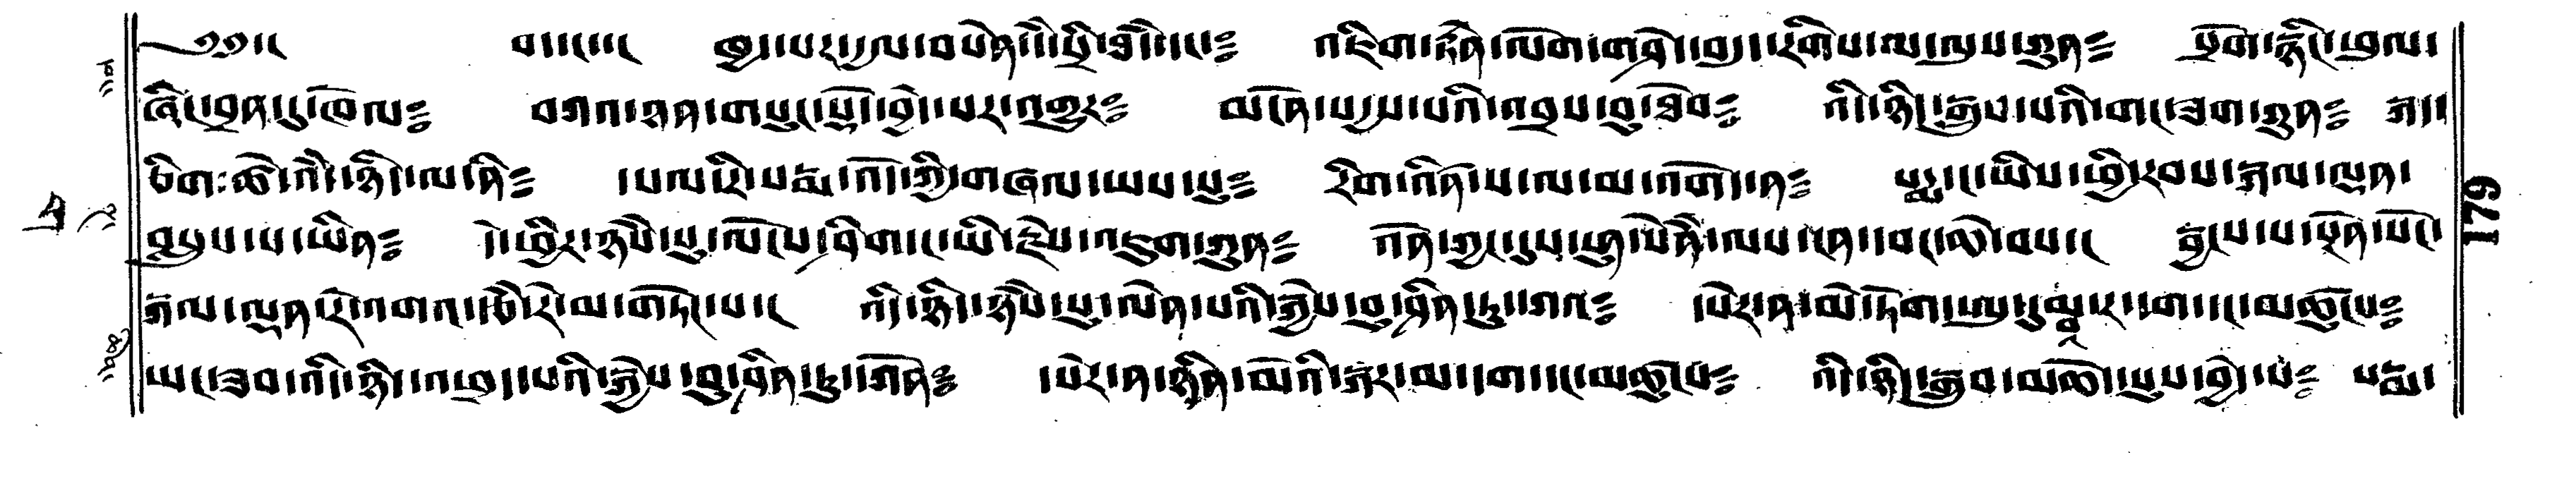བ་དང༔ ཁྱད་པར་རྒྱལ་བསེན་དམ་སྲི་ཐམས་ཅད་དང༔ འཇིག་རྟེན་ལོག་གཤེད་བདུད་རིགས་མ་ལུས་ཀུན༔ སྲོག་སྙིང་ཕུལ་
ཞིང་བྲན་དུ་འཁོལ༔ བཀའ་ཉན་གསུང་སྡོད་བྱེད་པར་འགྱུར༔ མངོན་སངས་རྒྱས་པའི་འབྲས་བུ་ཐོབ༔ འདི་ཉིད་སྒྲུབ་པའི་གང་ཟག་ཀུན༔ སྐད་
ཅིག་ཚེ་འདི་ཉིད་ལ་ནི༔ དཔལ་རི་པདྨ་འོད་ཀྱི་གཞལ་ཡས་སུ༔ རིག་འཛིན་ས་ལ་མ་འགོད་ན༔ པདྨ་ང་ཡིས་ཕྱི་རབས་སྐལ་ལྡན་
བསླུས་པ་ཡིན༔ དེ་ཕྱིར་ཉམས་སུ་ལོངས་ཤིག་ང་ཡི་རྗེས་འཇུག་ཀུན༔ འོན་ཀྱང་དུས་ངན་སེམས་ཅན་ལས་ངན་དབང་ཆེ་བས། སྦྱངས་པ་སྔོན་སོང་
སྐལ་ལྡན་རེ་འགའ་ཙམ་རེ་མ་གཏོགས་པ། འདི་ཉིད་ཉམས་སུ་ལེན་པའི་སྐྱེས་བུ་ཤིན་ཏུ་དཀའ༔ དཔེར་ན་མེ་ཏོག་ཨུ་དུམྦཱ་ར་དག་དང་མཚུངས༔ 
ཡང་ཟབ་འདི་ཉིད་འཕྲད་པའི་སྐྱེས་བུ་ཤིན་ཏུ་དཀོན༔ དཔེར་ན་ཉིན་མོའི་སྐར་མ་དག་དང་མཚུངས༔ འདི་ཉིད་སྒྲུབ་མཆོད་སུས་བྱེད་པ༔ པདྨ་